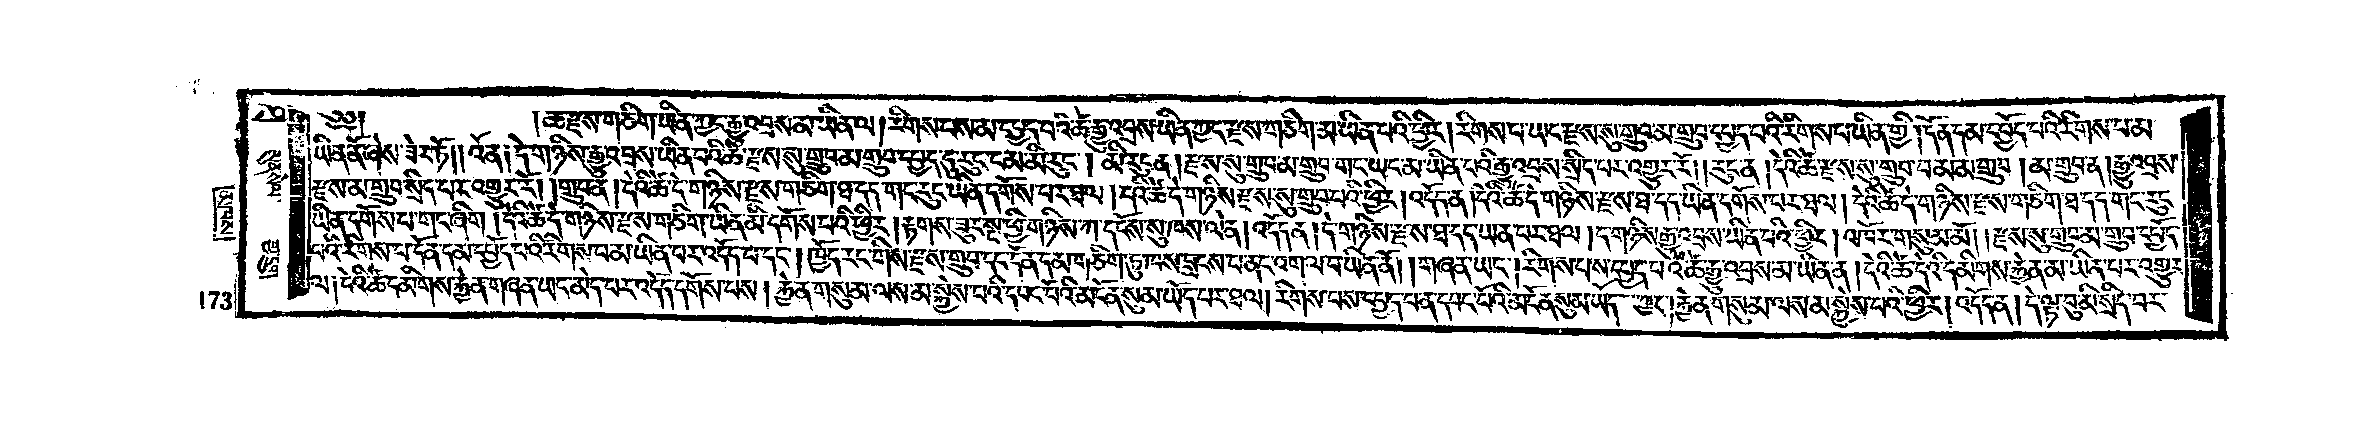༄༅། །ཆ་?་རྫས་གཅིག་ཡིན་ཀྱང་རྒྱུ་འབྲས་མ་ཡིན་ལ། རིགས་པས་མ་དཔྱད་པའི་ཚེ་རྒྱུ་འབྲས་ཡིན་ཀྱང་རྫས་གཅིག་མ་ཡིན་པའི་ཕྱིར། རིགས་པ་ཡང་རྫས་སུ་གྲུབ་མ་གྲུབ་དཔྱད་པའི་རིགས་པ་ཡིན་གྱི། དོན་དམ་དཔྱོད་པའི་རིགས་པ་མ་
ཡིན་ནོ་ཞེས་ཟེར་ཏོ། །འོ་ན། དེ་གཉིས་རྒྱུ་འབྲས་ཡིན་པའི་ཆེ་རྫས་སུ་གྲུབ་མ་གྲུབ་དཔྱད་དུ་རུང་ངམ་མི་རུང་། མི་རུང་ན། རྫས་སུ་གྲུབ་མ་གྲུབ་གང་ཡང་མ་ཡིན་པའི་རྒྱུ་འབྲས་སྲིད་པར་འགྱུར་རོ། །རུང་ན། དེའི་ཚེ་རྫས་སུ་གྲུབ་བམ་མ་གྲུབ། མ་གྲུབ་ན། རྒྱུ་འབྲས་
རྫས་མ་གྲུབ་སྲིད་པར་འགྱུར་རོ། །གྲུབ་ན། དེའི་ཚེ་དེ་གཉིས་རྫས་གཅིག་ཐ་དད་གང་རུང་ཡིན་དགོས་པར་ཐལ། དེའི་ཚེ་དེ་གཉིས་རྫས་སུ་གྲུབ་པའི་ཕྱིར། འདོད་ན། དེའི་ཚེ་དེ་གཉིས་རྫས་ཐ་དད་ཡིན་དགོས་པར་ཐལ། དེའི་ཚེ་དེ་གཉིས་རྫས་གཅིག་ཐ་དད་གང་རུང་
ཡིན་དགོས་པ་གང་ཞིག །དེའི་ཚེ་དེ་གཉིས་རྫས་གཅིག་ཡིན་མི་དགོས་པའི་ཕྱིར། རྟགས་ཟུར་སྔ་ཕྱི་གཉིས་ཀ་དངོས་སུ་ཁས་ལེན། འདོད་ན། དེ་གཉིས་རྫས་ཐ་དད་ཡིན་པར་ཐལ། ད་གཉིས་རྒྱུ་འབྲས་ཡིན་པའི་ཕྱིར། འཁོར་གསུམ་མོ། །རྫས་སུ་གྲུབ་མ་གྲུབ་དཔྱོད་
པའི་རིགས་པ་དོན་དམ་དཔྱོད་པའི་རིགས་པ་མ་ཡིན་པར་འདོད་པ་དང་། ཁྱོད་རང་གིས་རྫས་གྲུབ་དང་དོན་དམ་གཅིག་ཏུ་ཁས་བླངས་པ་ནང་འགལ་བ་ཡིན་ནོ། །གཞན་ཡང་། རིགས་པས་དཔྱད་པའི་ཚེ་རྒྱུ་འབྲས་མ་ཡིན་ན། དེའི་ཚེ་དེའི་དམིགས་རྐྱེན་མ་ཡིན་པར་འགྱུར་
ལ༑ དེའི་ཚེ་དམིགས་རྐྱེན་གཞན་ཡང་མེད་པར་འདོད་དགོས་པས། རྐྱེན་གསུམ་ལས་མ་སྐྱེས་པའི་དབང་པོའི་མངོན་སུམ་ཡོད་པར་ཐལ། རིགས་པས་དཔྱད་པ་ན་དབང་པོའི་མངོན་སུམ་ཡོད་ཀྱང་། རྐྱེན་གསུམ་ལས་མ་སྐྱེས་པའི་ཕྱིར། འདོད་ན། དེ་ལྟ་བུ་མི་སྲིད་བར་